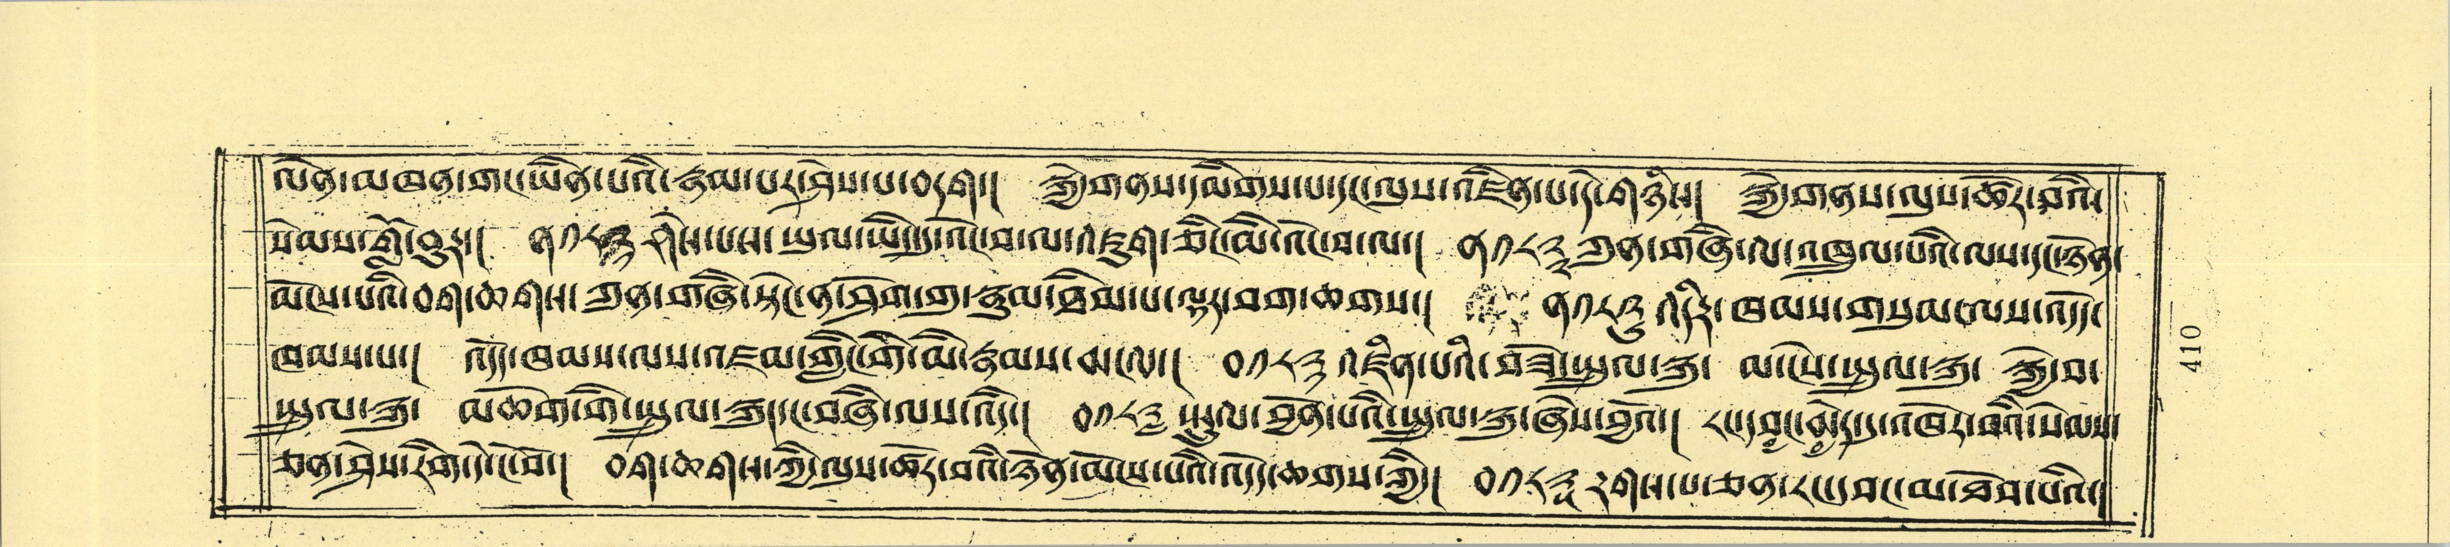ལེན་མཁན་གང་ཡིན་པའི་རྣམ་པར་ཤེས་པ་བདག་ སྐྱེ་གནས་དམིགས་པ་དང་ལུས་འཛིན་པ་དེ་གཉིས་ སྐྱེ་གནས་ལུས་ཚོར་བའི་
སེམས་གློ་བུར་ ན༡༨༢།༡ཤེས་པས་ཡུལ་ཡིད་དུ་འོང་བ་ལ་འཇུག་ཅིང་མི་འོང་བ་ལ་ ན༡༨༢།༢ཀུན་གཞི་ལ་འཁྲུལ་པའི་ལས་དང་ཉོན་
མོངས་པའི་བག་ཆགས་ཀུན་གཞིའི་སྟེང་ན་ཤོག་བུ་སྣུམ་ཐིམ་པ་ལྟར་བག་ཆགས་ ན༡༨༢།༦འདིར་ཁམས་གསུམ་ལས་འདོད་
ཁམས་པ། འདོད་ཁམས་ལས་འཛམ་གླིང་གི་མི་རྣམས་མངལ་ བ༡༨༢།༡འཛིན་པའི་བཟོ་སྤྲུལ་སྐུ། མ་ངེས་སྤྲུལ་སྐུ། སྐྱེ་བ་
སྤྲུལ་སྐུ། མཆོག་གི་སྤྲུལ་སྐུ་དང་བཞི་ལས་འདི་ བ༡༨༢།༤སྤྲུལ་བྱོན་པའི་སྤྲུལ་སྐུ་ཞེས་བྱའོ། རང་དབང་མེད་དུ་འཁོར་བའི་སེམས་
ཅན་ཤེས་རིག་དེ་ངོ་བོ་ བག་ཆགས་ཀྱི་ལུས་ཚོར་བའི་ཉོན་མོངས་པའི་འདོད་ཆགས་ཀྱི། བ༡༨༢།༥རགས་པ་ཅན་རང་དབང་མ་ཐོབ་པའི་